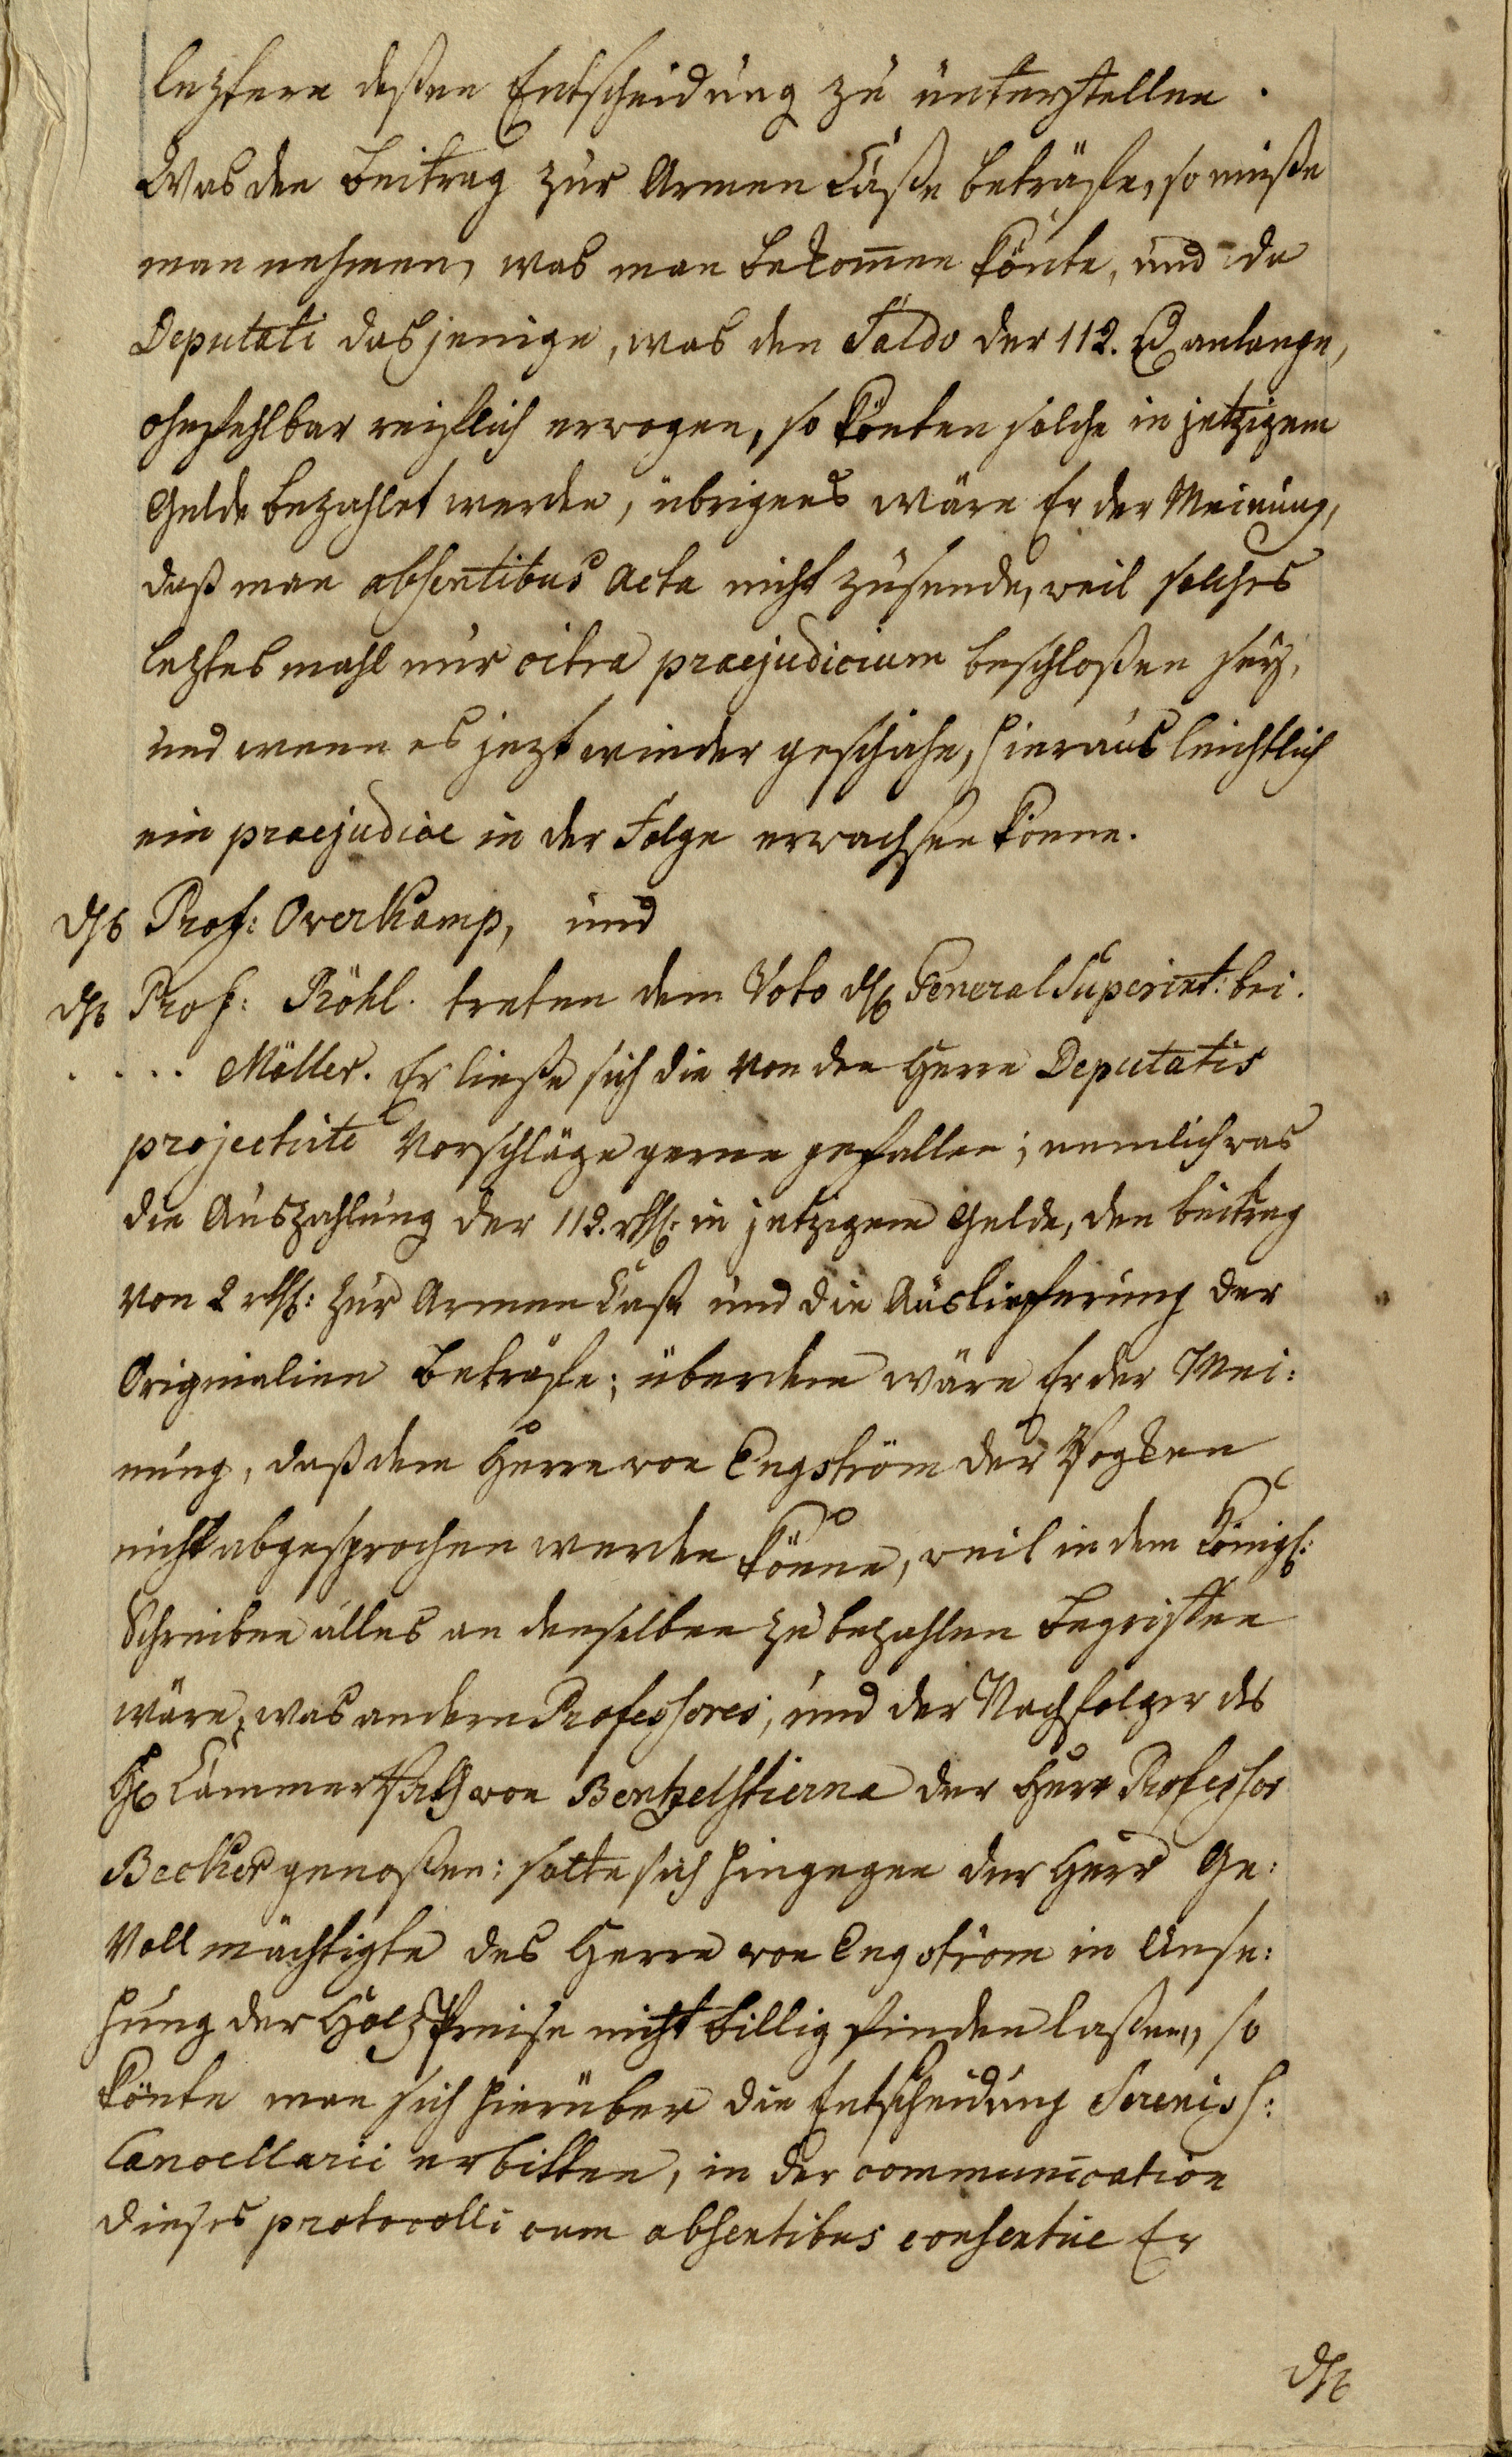leztere deßen Entscheidung zu unterstellen.
Was den Beitrag zur Armen Caße beträfe, so müße
man nehmen, was man bekomen könnte, und da
Deputati dasjenige, was den Saldo der 112. r anlangte,
ohnfehlber reiflich erwogen, so könten solche in jetzigem
Gelde bezahlet werden, übrigens wäre Er der Meinung,
daß man absentibus Acta nicht zusende, weil solches
lezter mahl nur citra praejudicium beschloßen seÿ,
und wenn es jezt wieder geschähe, hieraus leichtlich
ein praejudice in der Folge erwachsen könne.
dh. Prof. Overkamp, und
dh Prof. Röhl. treten dem Voto dh GeneralSuperint. bei.
Möller. Er ließe sich die von den Herrn Deputatis
projectirte Vorschläge gerne gefallen, nemlich was
die Auszahlung der 112. rtl in jetzigem Gelde, den Beitrag
von 2 rtl. zur ArmenCaße und die Auslieferung der
Originalien beträfe, überdem wäre Er der Mei¬
nung, daß dem Herrn von Engström der Rogken
nicht abgesprochen werden könne, weil in dem Königl.
Schreiben alles an denselben zu bezahlen begriffen
wäre, was andere Professores, und der Nachfolger des
H. CammerRath von Bentzelstierna der Herr Professor
Becker genoßen, solte sich hingegen der Herr Ge¬
vollmächtigte des Herrn von Engström in Anse¬
hung der HolzPreise nicht billig finden laßen, so
könte man sich hierüber die Entscheidung Sereniss.
Cancellarii erbitten, in der comnmunication
dieses protocolli cum absentibus consentire Er
dh